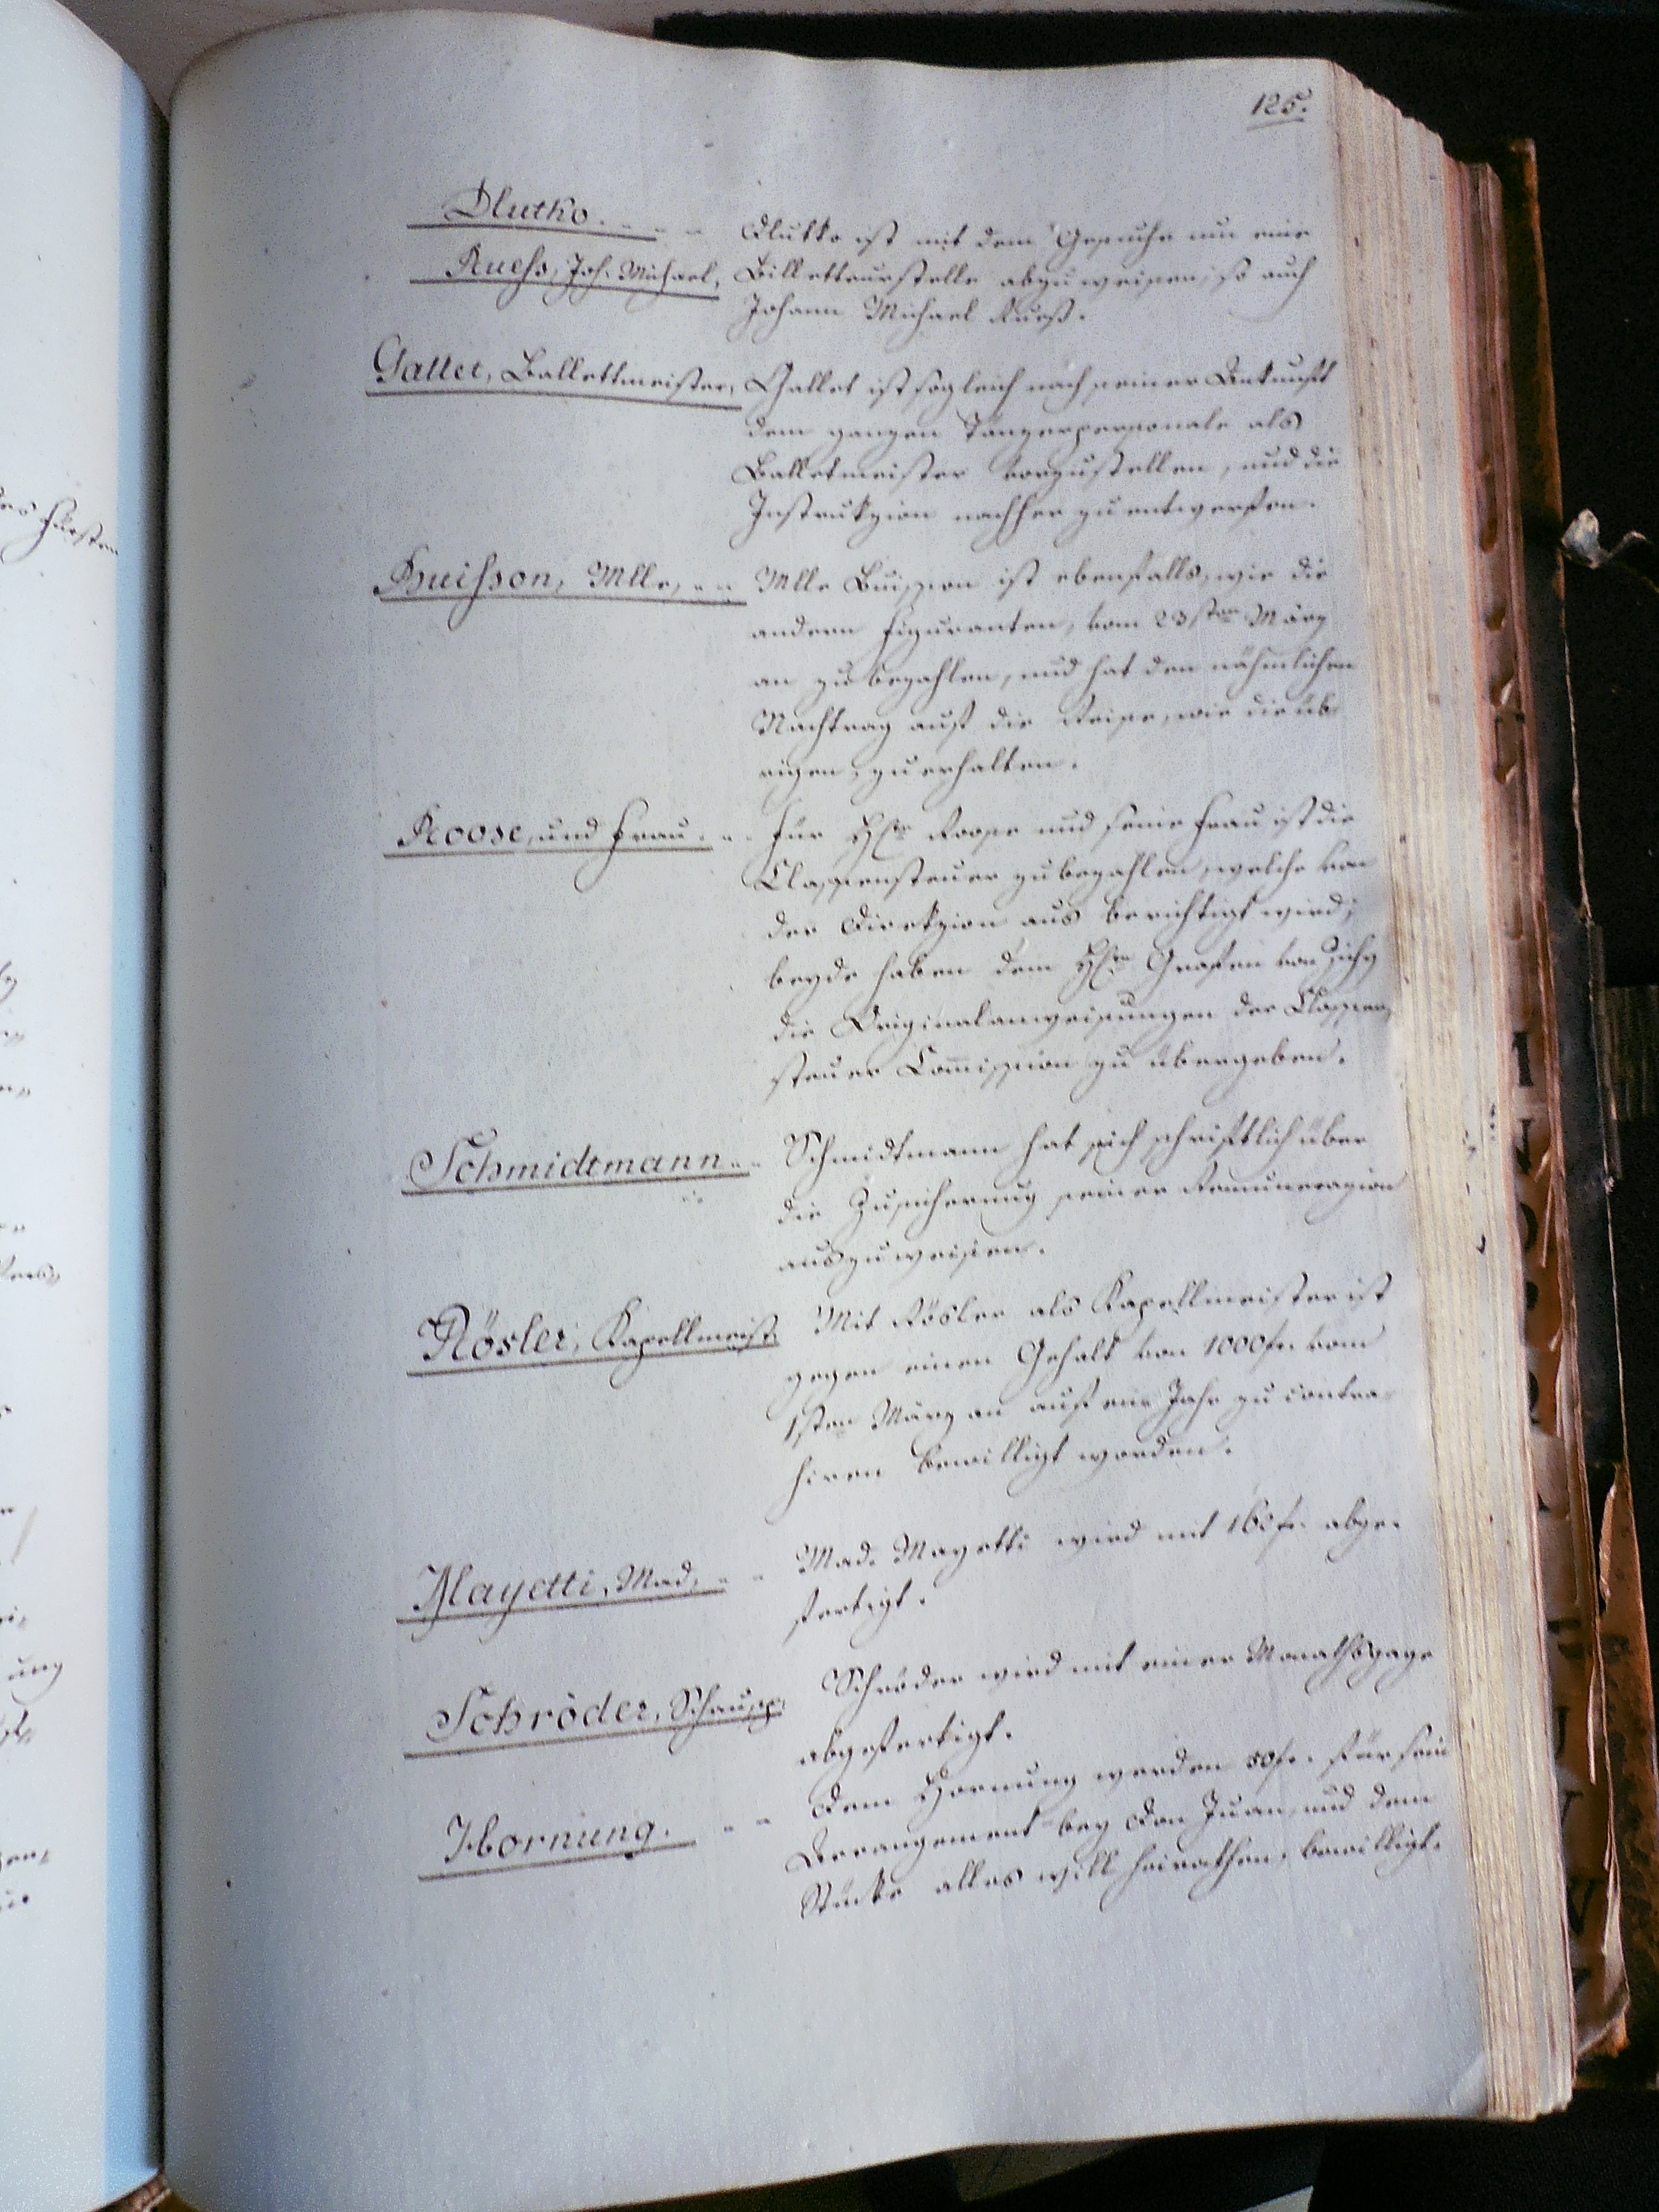125.
Dlutko . .. .. ..
Ruess, Joh. Michael.
Dlutko ist mit dem Gesuche um eine
Billetteurstelle abzuweisen so auch
Johan Michael Rueß.
Gatter, Ballettmeister. Gallet ist sogleich nach seiner Ankunft
dem ganzen Tänzerpersonale als
Balletmeister vorzustellen, und die
Instrukzion nachher zu entwerfen.
Buisson, Mlle, .. .. Mlle Buisson ist ebenfalls, wie die
andern Figuranten, vom 23ste͇n März
an zu bezahlen, und hat den nähmlichen
Nachtrag auf die Reise, wie die üb¬
rigen, zu erhalten.
Roose, und Frau. .. Für HEr͇n Roose und seine Frau ist die
Classensteuer zu bezahlen, welche von
der Direkzion aus berichtigt wird;
beyde haben dem HEr͇n Grafen von Zichy
die Originalanweisungen der Classen¬
steuer Com̅ission zu übergeben.
Schmidtmann .. Schmidtmann hat sich schriftlich über
die Zusicherung seiner Remunerazion
auszuweisen.
Rösler, Kapellmeist. Mit Rösler als Kapellmeister ist
gegen einen Gehalt von 1000fr. vom
1sten März an auf ein Jahr zu contra¬
hiren bewilligt worden.
Mayetti, Mad, .. .. Mad: Mayetti wird mit 160fr. abge¬
fertigt.
Schröder, Schausp. Schröder wird mit einer Monathsgage
abgefertigt.
Hornung. .. .. Dem Hornung werden 50fr. für sein
Arrangement bey Don Juan, und dem
Stücke alles will heirathen, bewilligt.